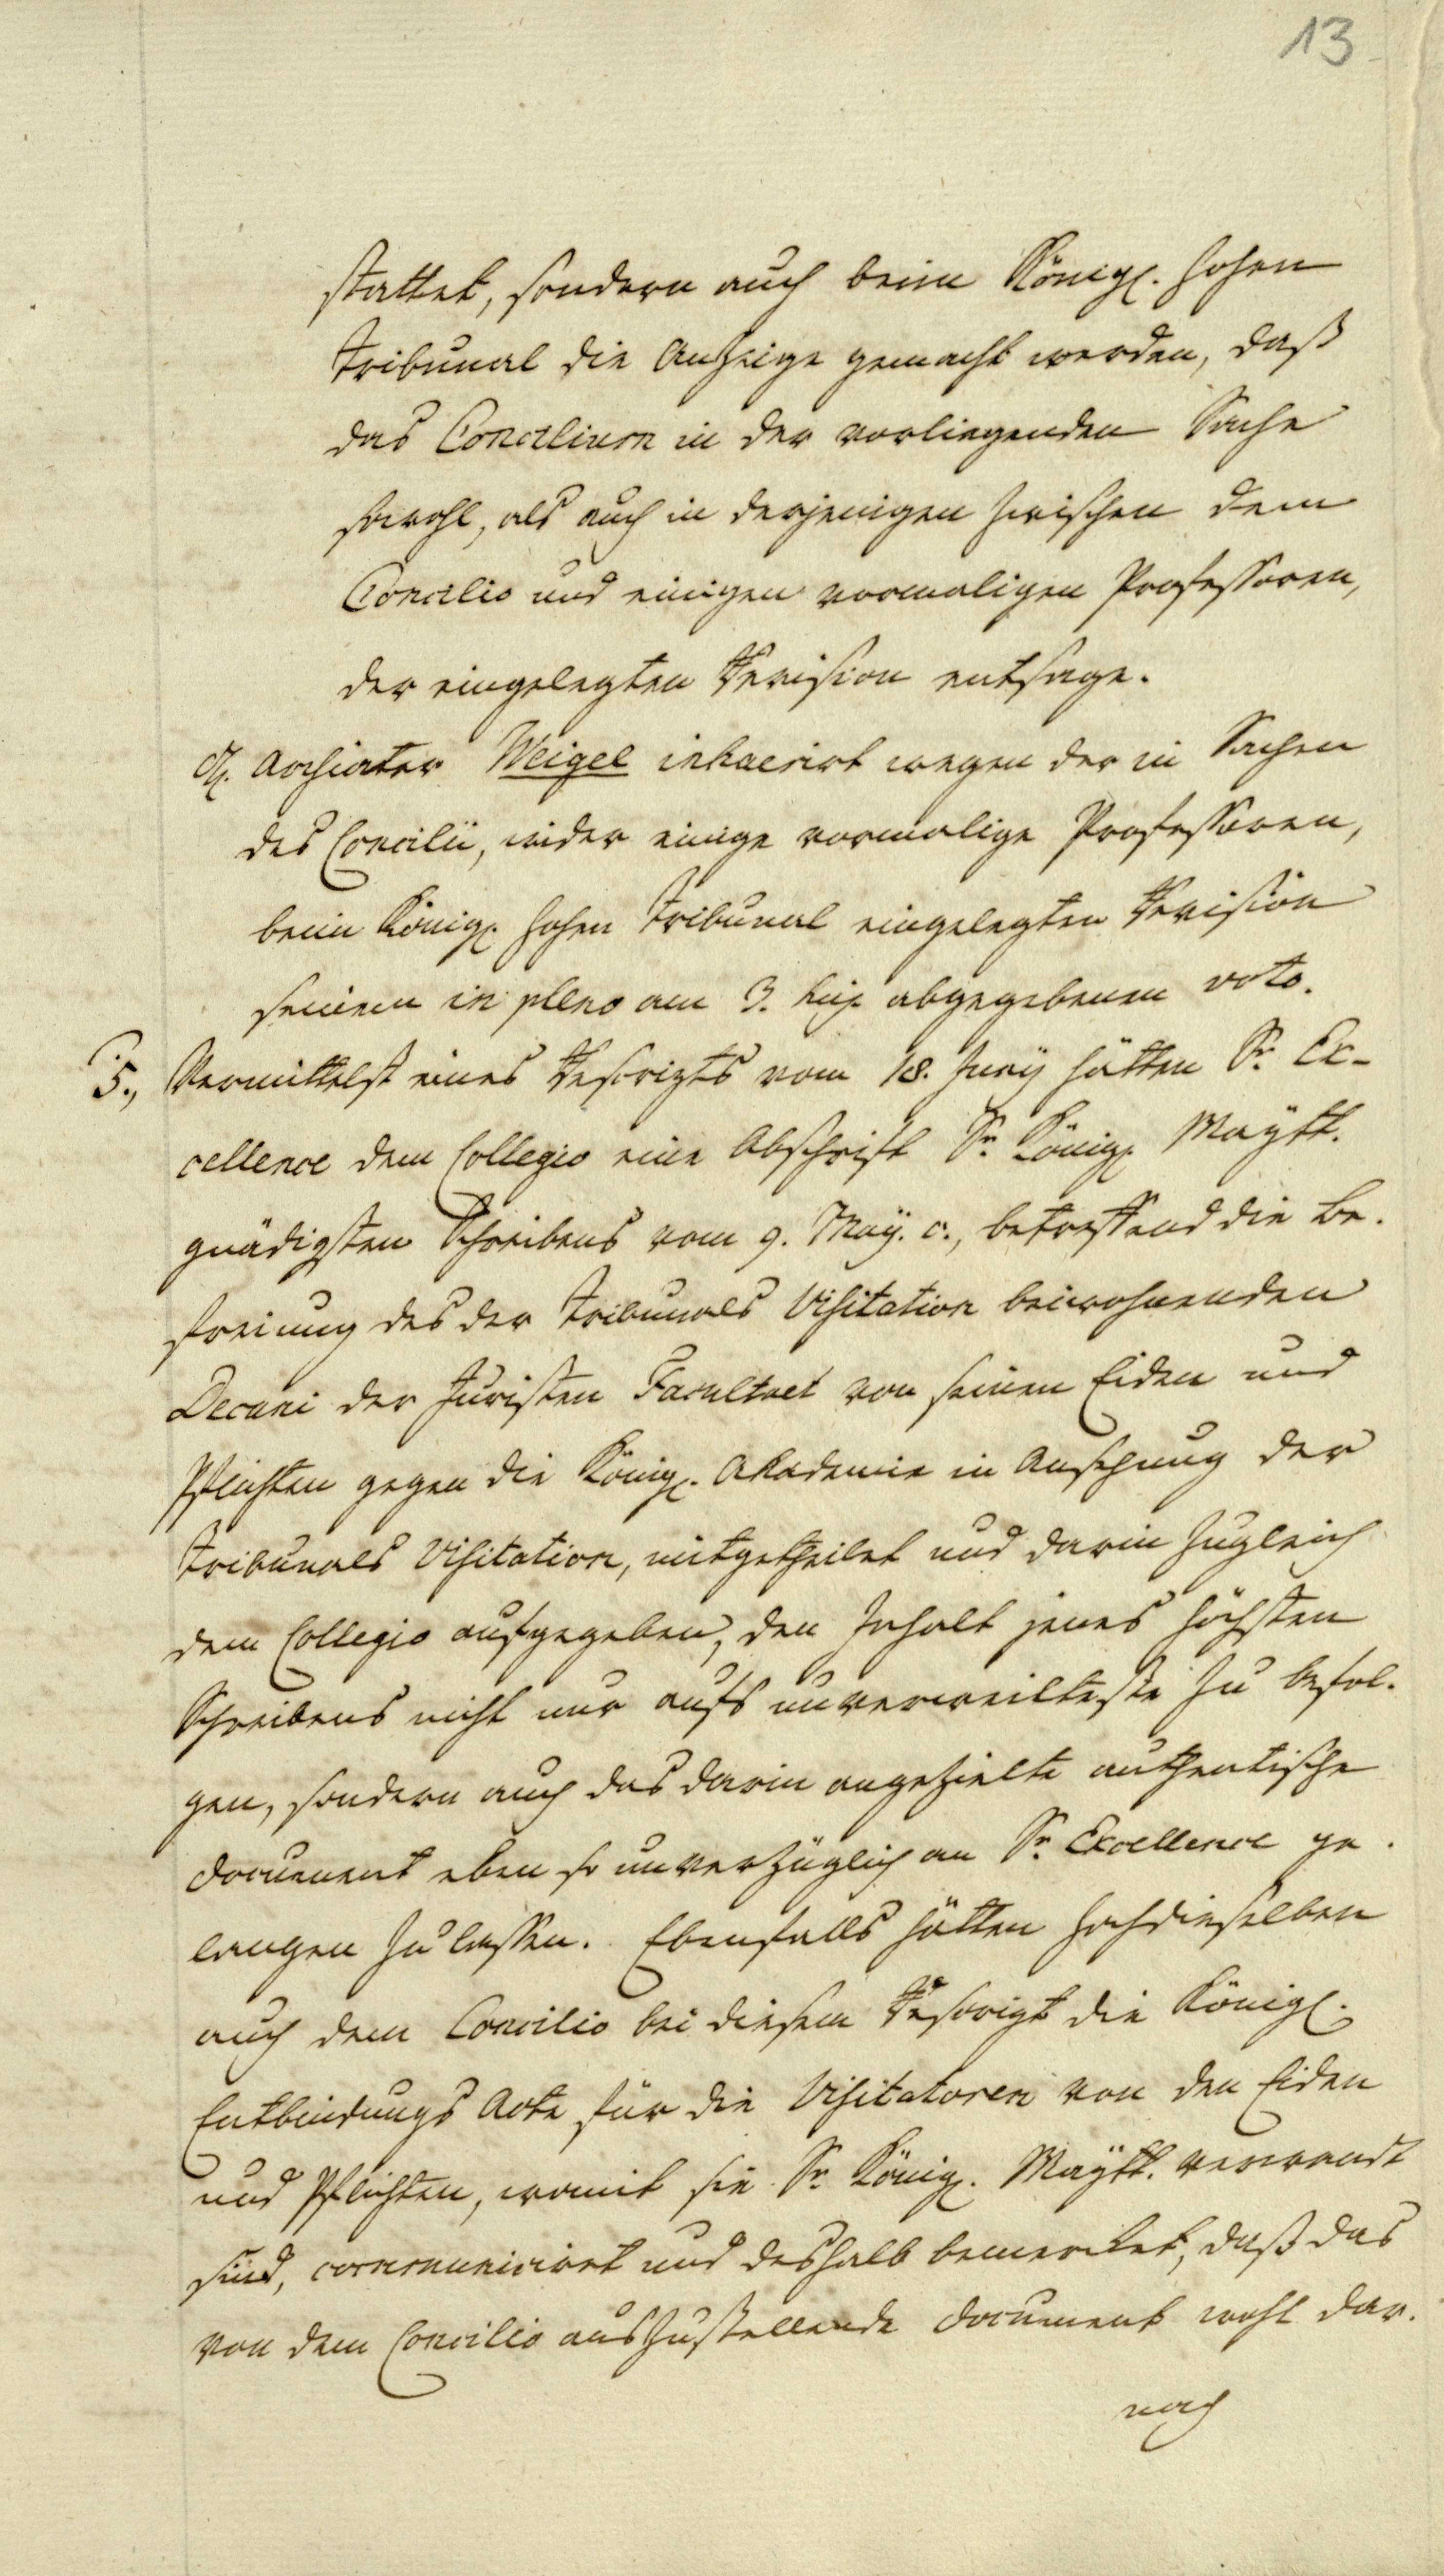stattet, sondern auch beim Königl. hohen
Tribunal die Anzeige gemacht werden, daß
das Concilium in der vorliegenden Sache
sowohl, als auch in derjenigen zwischen dem
Concilio und einigen vormaligen Professoren,
der eingelegten Revision entsage.
dh. Archiater Weigel inhaerirt wegen der in Sachen
des Concilii, wider einige vormalige Professoren,
beim Königl. hohen Tribunal eingelegten Revision
seinem in pleno am 3. huj. abgegebenen voto.
5., Vermittelst eines Rescripts vom 18. Junÿ hätten Sr. Ex¬
cellence dem Collegio eine Abschrift Sr. Königl. Maÿtt.
gnädigsten Schreibens vom 9. Maÿ. c., betreffend die Be¬
freiung des der Tribunals Visitation beiwohnenden
Decani der Juristen Facultaet von seinen Eiden und
Pflichten gegen die Königl. Akademie in Ansehung der
Tribunals Visitation, mitgetheilet und darin zugleich
dem Collegio aufgegeben, den Inhalt jenes höchsten
Schreibens nicht nur aufs unverweilteste zu befol¬
gen, sondern auch das darin angezielte authentische
Document ebenso unverzüglich an Sr. Excellence ge¬
langen zu lassen. Ebenfalls hätten hochdieselben
auch dem Concilio bei diesem Rescript die Königl.
Entbindungs Acte für die Visitatoren von den Eiden
und Pflichten, womit sie Sr. Königl. Maÿtt. verwandt
sind, communiciret und deshalb bemercket, daß das
von dem Concilio auszustellende Document wohl dar¬
nach